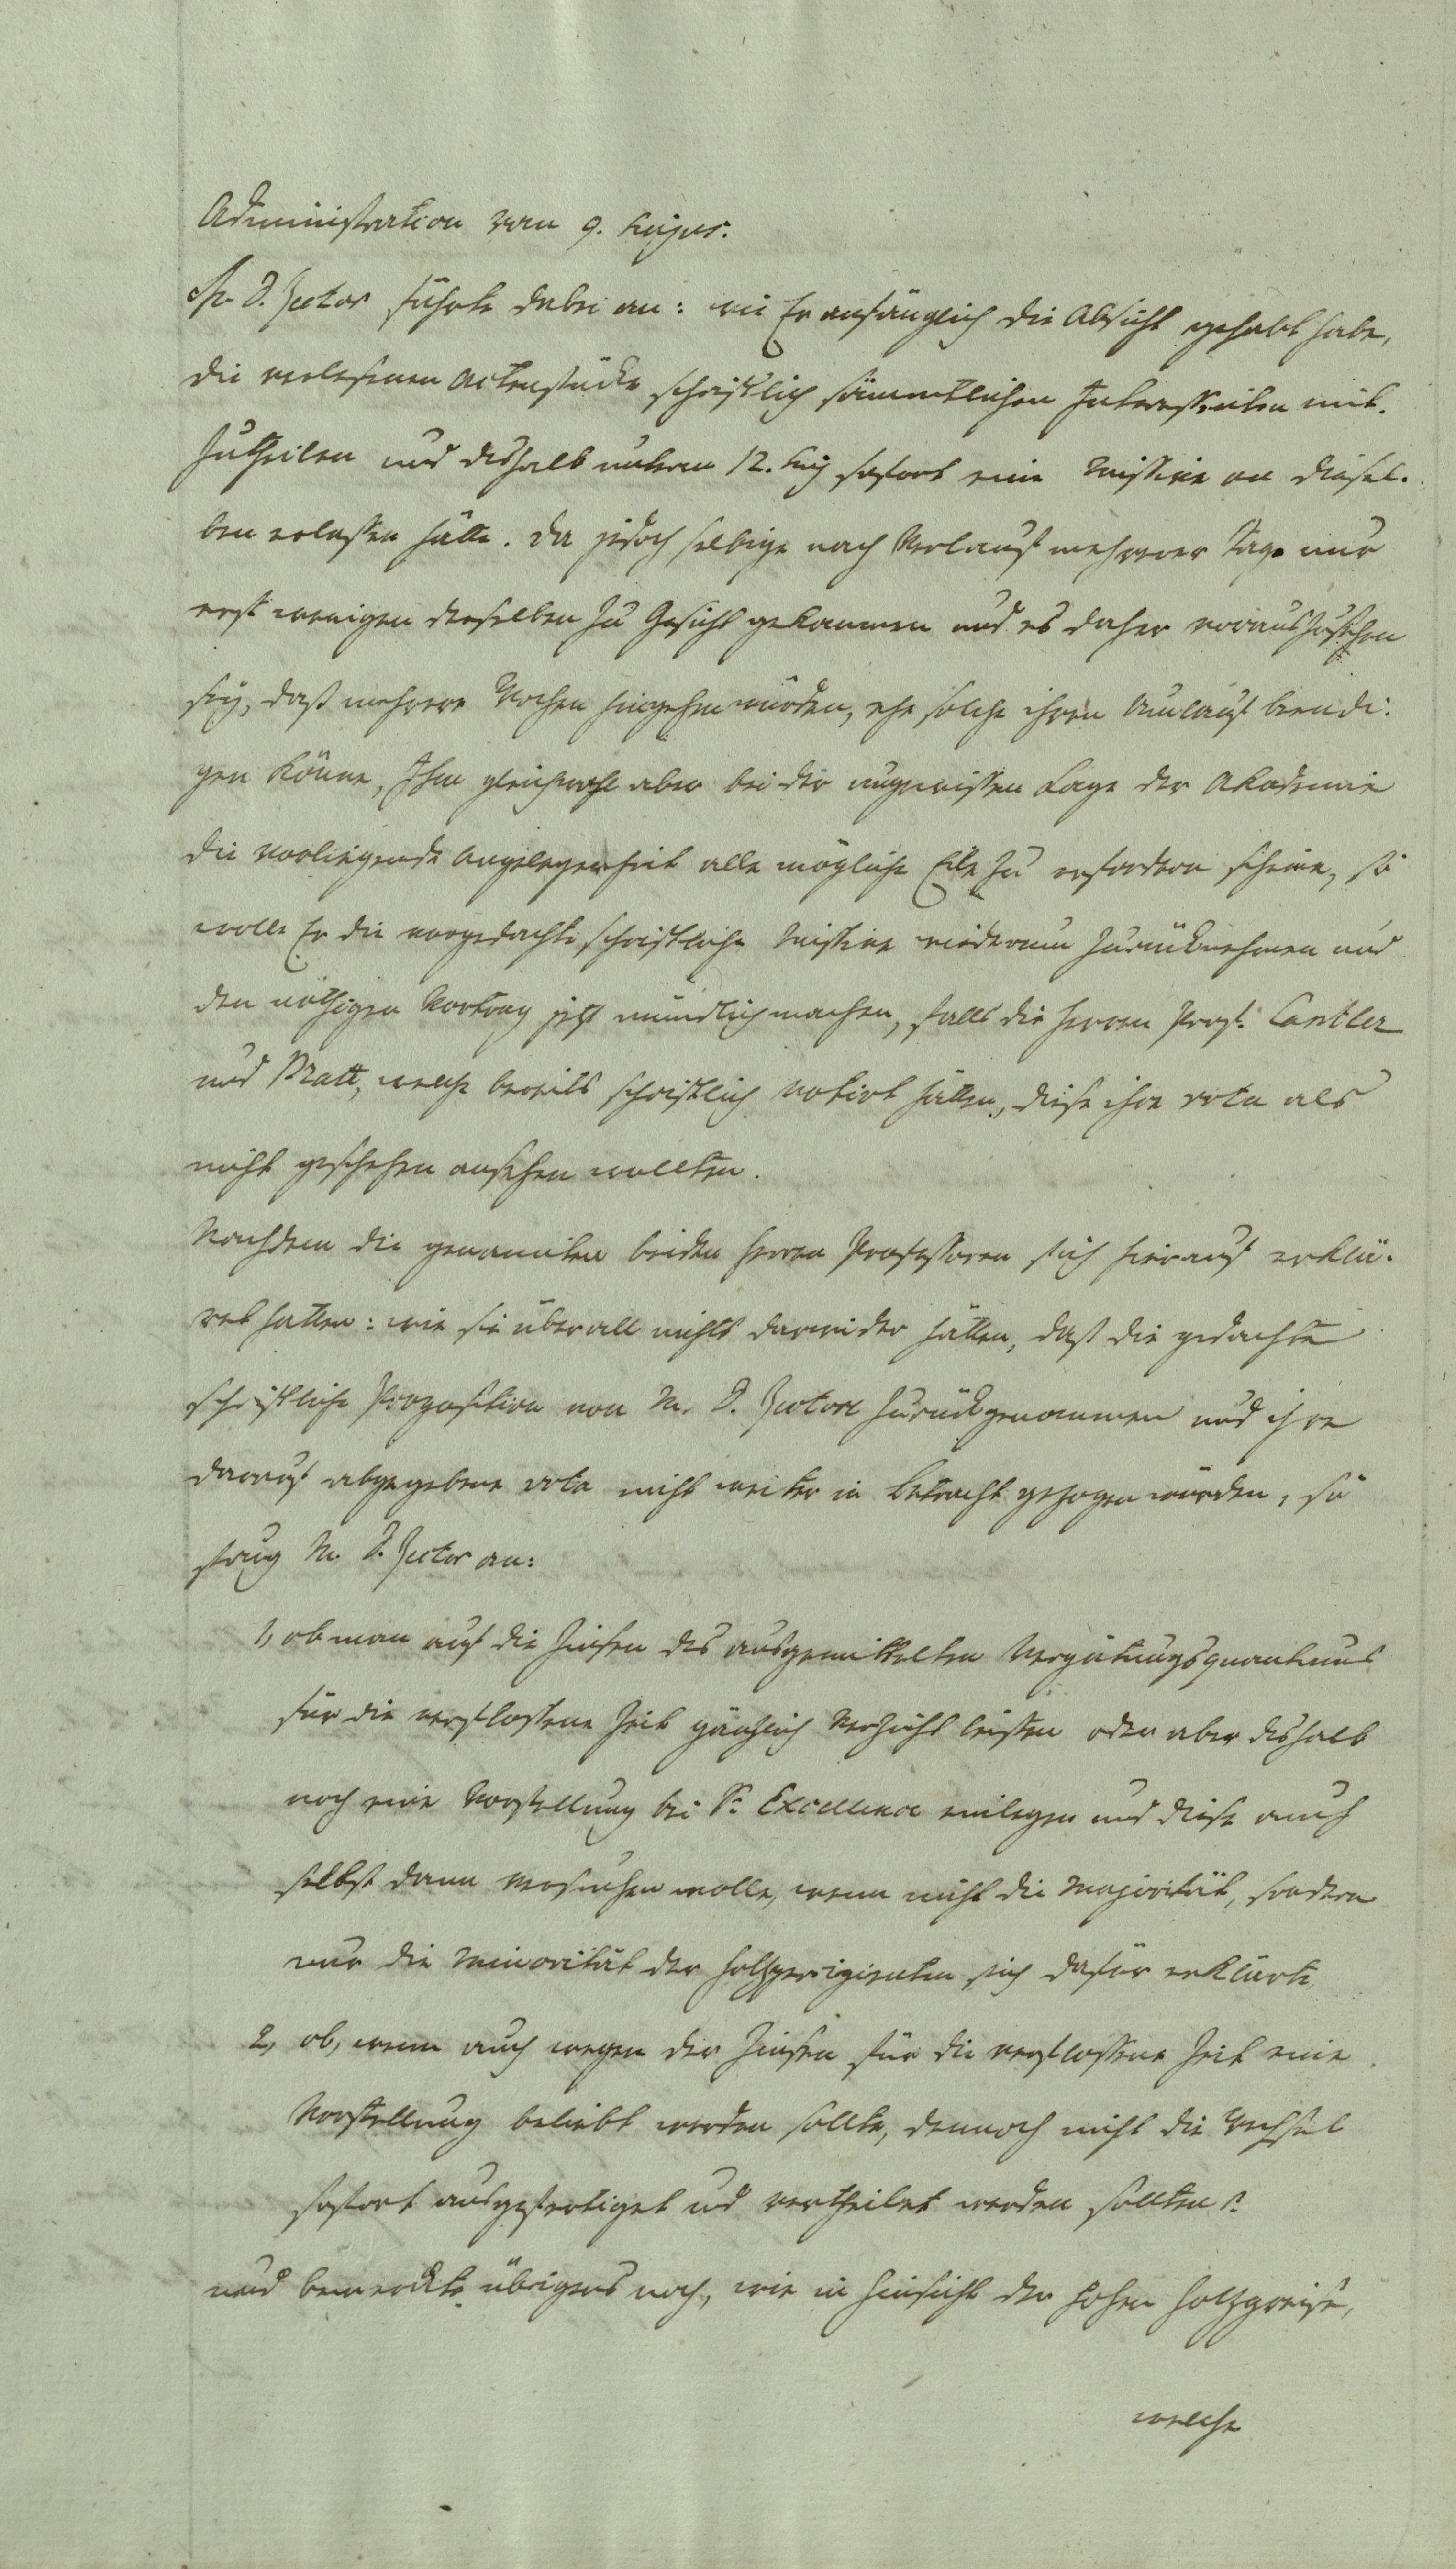Administration vom 9. hujus.
M. D. Rector führte dabei an: wie Er anfänglich die Absicht gehabt habe,
die verlesenen Actenstücke schriftlich sämmtlichen Interessirten mit¬
zutheilen und deshalb unterm 12. huj. sofort eine Missive an diesel¬
ben erlassen hätte. Da jedoch selbige nach Verlauf mehrerer Tage nur
erst wenigen derselben zu Gesicht gekommen und es daher vorauszusehen
seÿ, daß mehrere Wochen hingehen würden, ehe solche ihren Umlauf beendi¬
gen könne, Ihm gleichwohl aber bei der ungewissen Lage der Akademie
die vorliegende Angelegenheit alle mögliche Eile zu erfordern scheine, so
wolle Er die vorgedachte schriftliche Missive wiederum zurücknehmen und
den nöthigen Vortrag jetzt mündlich machen, falls die herren Prof. Canzler
und Bratt, welche bereits schriftlich votirt hätten, diese ihre vota als
nicht geschehen ansehen wollten.
Nachdem die genannten beiden herren Professoren sich hierauf erklä¬
ret hatten: wie sie überall nichts darwider hätten, daß die gedachte
schriftliche Proposition von M. D. Rectore zurückgenommen und ihre
darauf abgegebene vota nicht weiter in Betracht gezogen würden, so
frug M. D. Rector an:
1, ob man auf die Zinsen des ausgemittelten Vergütungsquantums
für die verflossene Zeit gänzlich Verzicht leisten oder aber deshalb
noch eine Vorstellung bei Sr. Excellence einlegen und diese auch
selbst dann versuchen wolle, wenn nicht die Majorität, sondern
nur die Minorität der Holzpercipienten sich dafür erklärte,
2, ob, wenn auch wegen der Zinsen für die verflossene Zeit eine
Vorstellung beliebt werden sollte, dennoch nicht die Wechsel
sofort ausgefertiget und vertheilet werden sollten?
und bemerckte übrigens noch, wie in hinsicht der hohen holzpreise,
welche